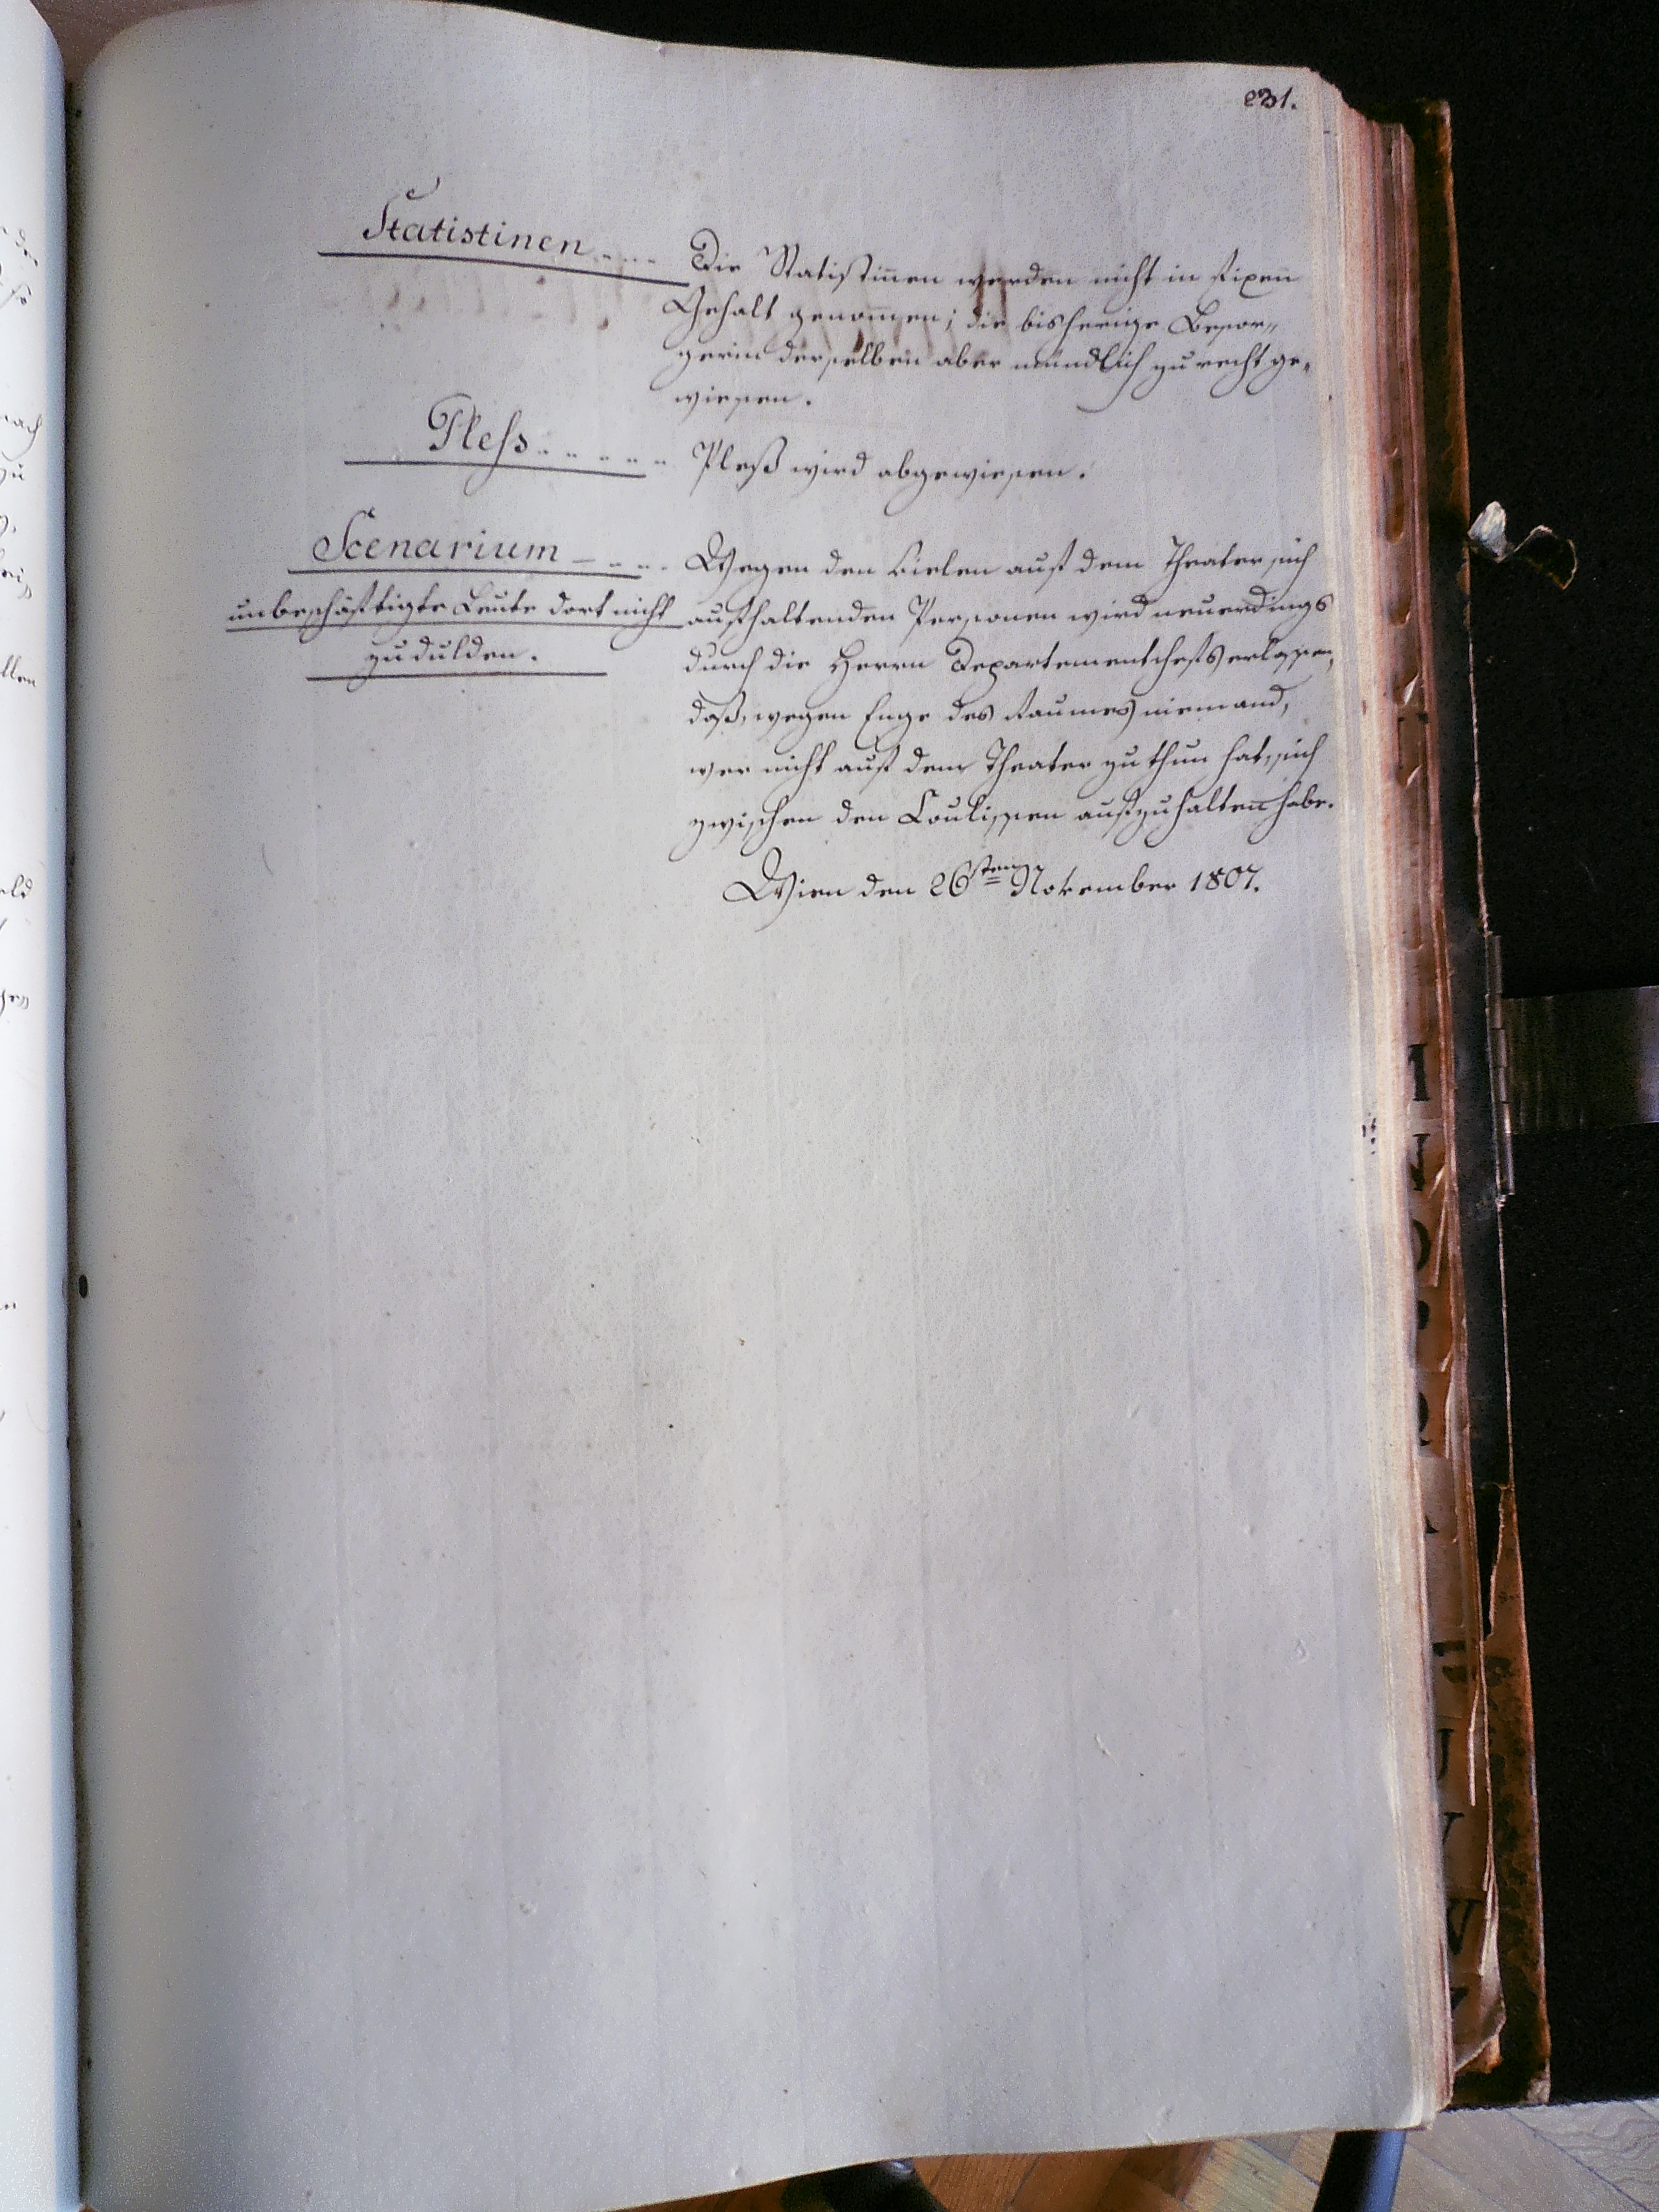231.
Statistinen .. .. .. Die Statistin̅en werden nicht in fixen
Gehalt genom̅en; die bisherige Besor¬
gerin derselben aber mündlich zurecht ge¬
wiesen.
Pless .. .. .. .. .. Pleß wird abgewiesen.
Scenarium .. ..
unbeschäftigte Leute dort nicht
zu dulden.
Wegen den vielen auf dem Theater sich
aufhaltenden Personen wird neuerdings
durch die Herrn Departementchefs erlassen,
daß wegen Enge des Raumes niemand,
wer nicht auf dem Theater zu thun hat, sich
zwischen den Coulissen aufzuhalten habe.
Wien den 26ste͇n November 1807.